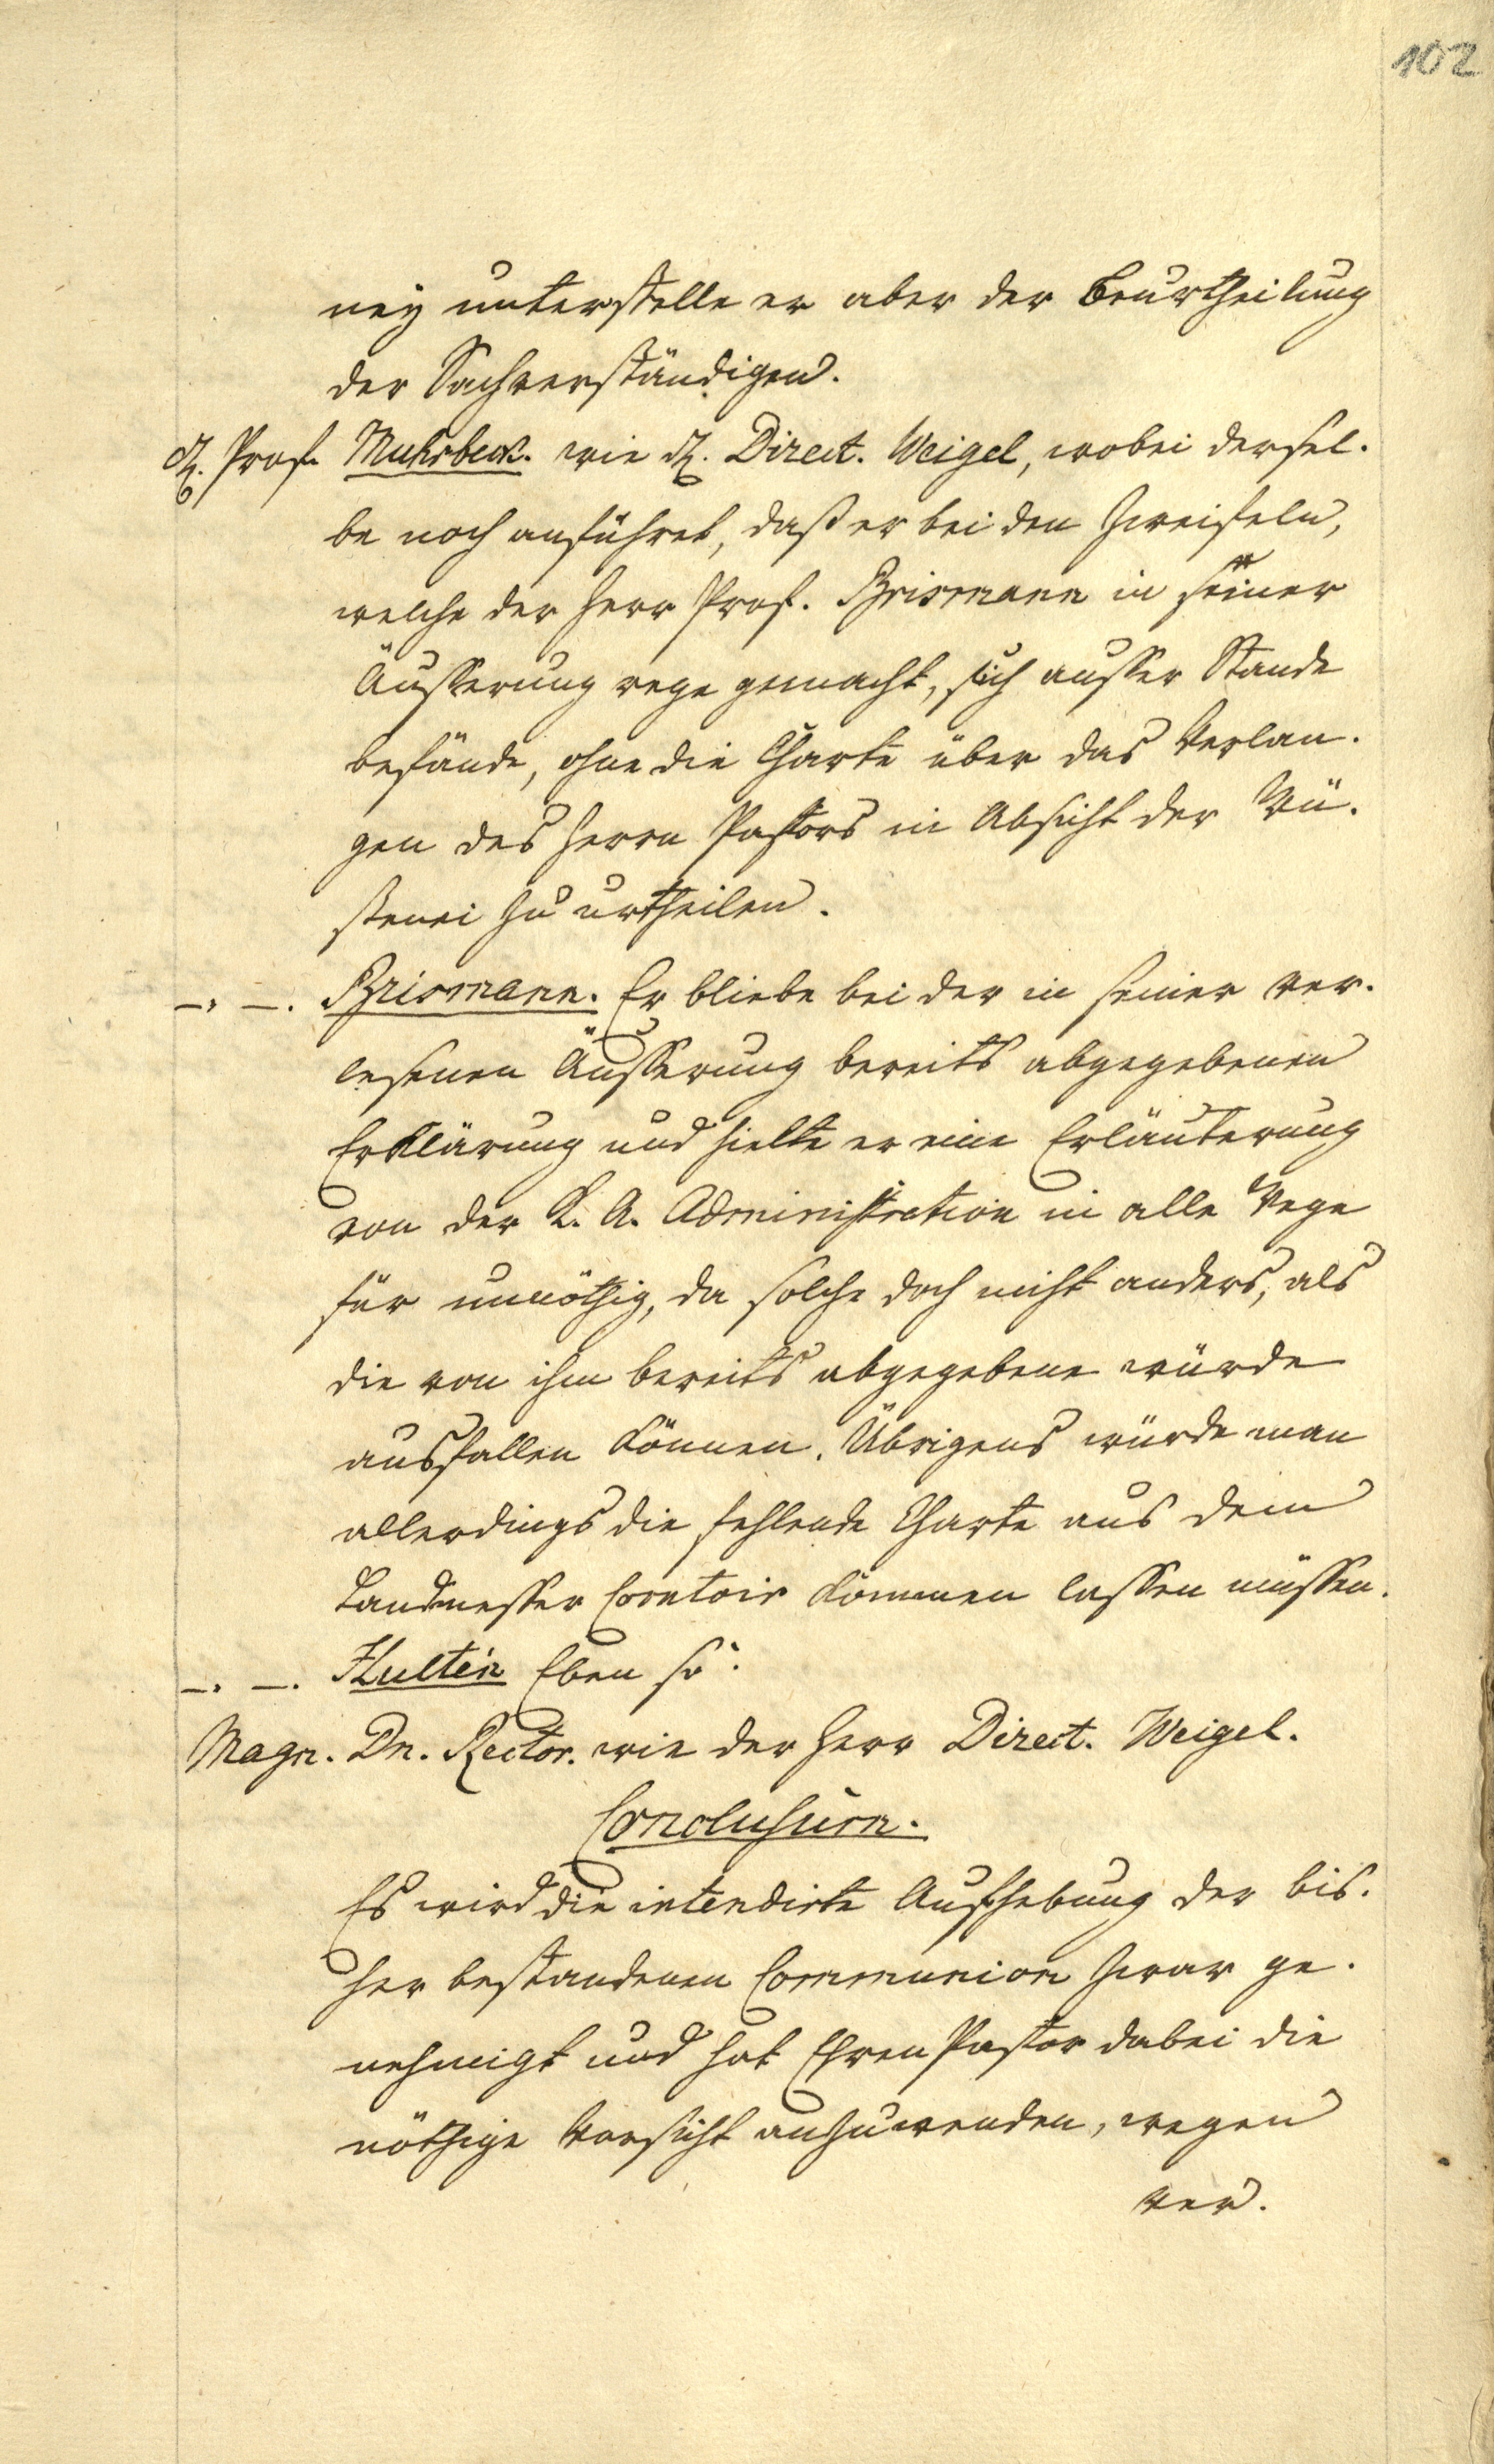neÿ unterstelle er aber der Beurtheilung
der Sachverständigen.
dh. Prof. Muhrbeck. wie dh. Direct. Weigel, wobei dersel¬
be noch anführet, daß er bei den Zweifeln,
welche der Herr Prof. Brismann in seiner
Äusserung rege gemacht, sich ausser Stande
befände, ohne die Charte über das Verlan¬
gen des Herrn Pastors in Absicht der Wü¬
stenei zu urtheilen.
Brismann. Er bliebe bei der in seiner ver¬
lesenen Äusserung bereits abgegebenen
Erklärung und hielte er eine Erläuterung
von der K. A. Administration in alle Wege
für unnöthig, da solche doch nicht anders, als
die von ihm bereits abgegebene würde
ausfallen können. Übrigens würde man
allerdings die fehlende Charte aus dem
Landmesser Comtoir kommen lassen müssen.
Hultén Eben so.
Magn. Dn. Rector. wie der Herr Direct. Weigel.
Conclusum
Es wird die intendirte Aufhebung der bis¬
her bestandenen Communion zwar ge¬
nehmigt und hat Ehren Pastor dabei die
nöthige Vorsicht anzuwenden, wegen
ver-